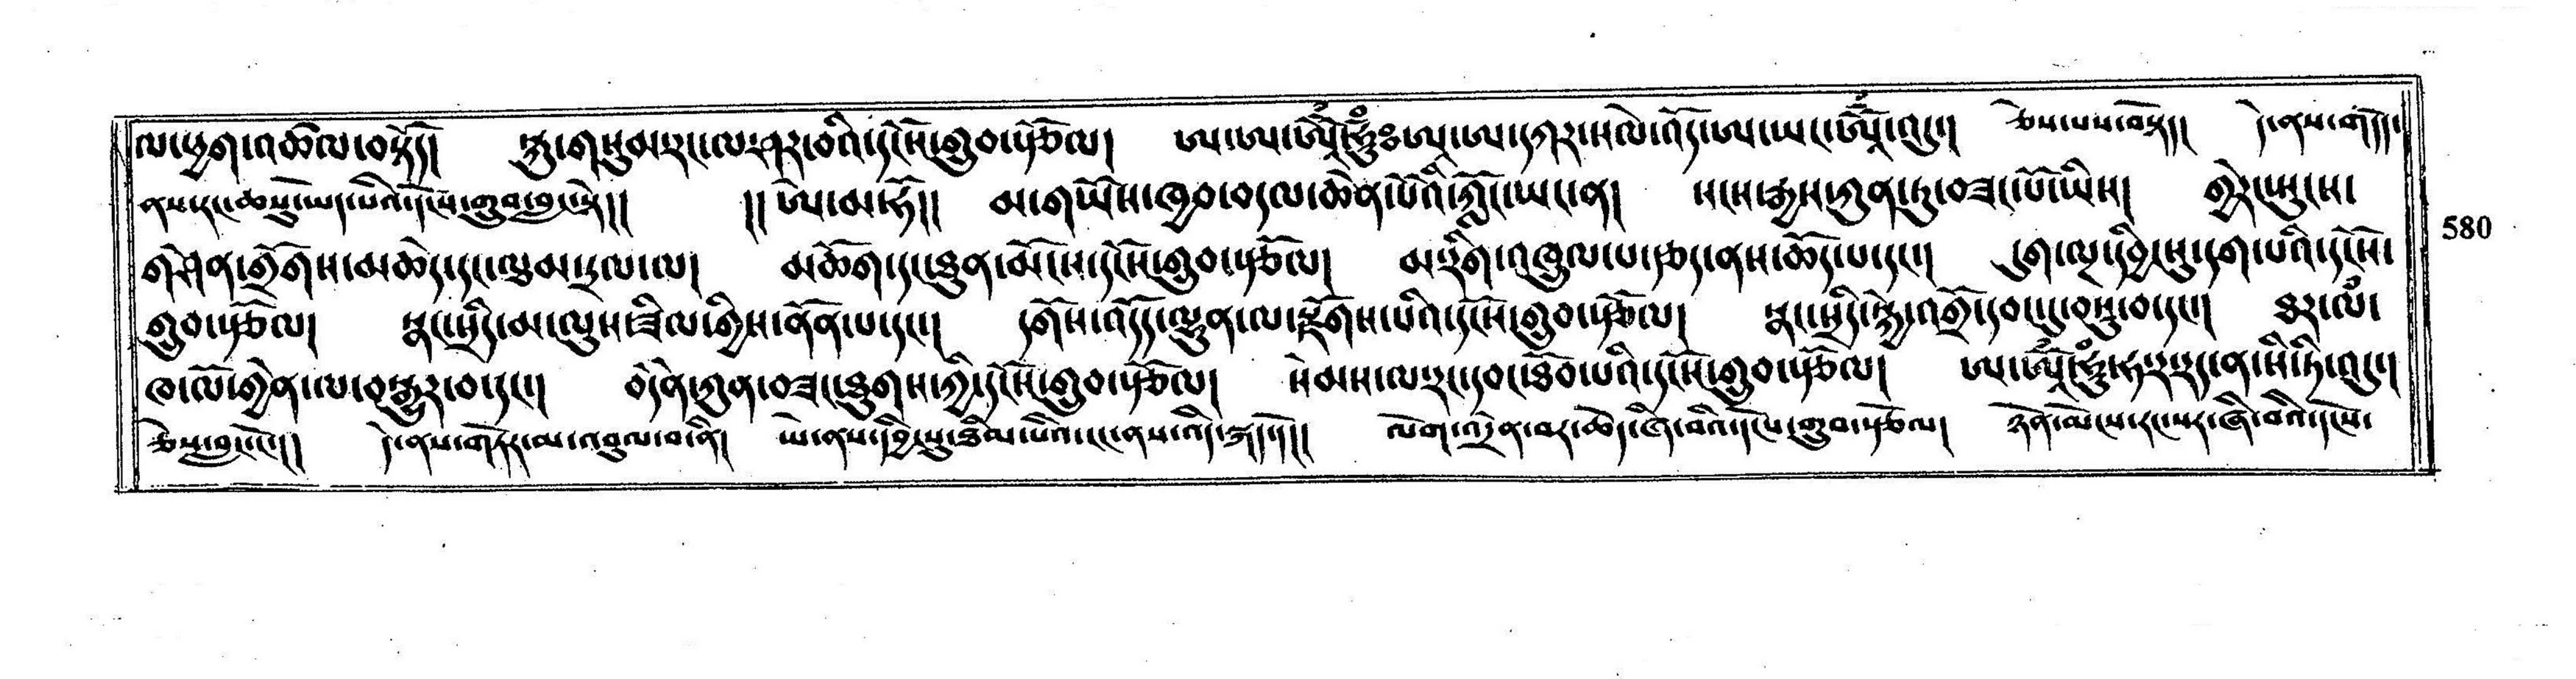ལ་ཕྱག་འཚལ་བསྟོད། སྐུ་གསུམ་རང་ལ་ཤར་བའི་དངོས་གྲུབ་སྩོལ། ཨ་ཨ་ཨཱོཾ་ཧཱུྃཿཨཱ་ཨ་དཀར་སལེ་འོད་ཨ་ཡང་ཨཱོཾ་འདུ། ཅེས་པས་བསྟོད། དེ་ནས་གདོད་
ནས་རང་ཆས་སུ་ཡོད་པའི་དངོས་གྲུབ་བླང་སྟེ།། །།ཨེ་མ་ཧོ།། མ་གཡོས་ཁྱབ་བདལ་ཆེན་པོའི་ཀློང་ཡང་ན། སངས་རྒྱས་ཀུན་ཏུ་བཟང་པོ་ཡིས། གྱེར་སྤུངས་
གཤེན་གྲོགས་མཆེད་དང་ལྕམ་དྲལ་ལ། མཆོག་དང་ཐུན་མོངས་དངོས་གྲུབ་སྩོལ། མ་རིག་འཁྲུལ་པ་རྩད་ནས་ཆོད་པ་དང་། དུག་ལྔ་དབྱིངས་སུ་དག་པའི་དངོས་
གྲུབ་སྩོལ། སྣང་སྲིད་མ་ལུས་ཟིལ་གྱིས་ནོན་པ་དང་། དགོས་འདོད་ལྷུན་ལ་རྫོགས་པའི་དངོས་གྲུབ་སྩོལ། སྣང་སྲིད་སྐྱེ་འགྲོ་དབང་དུ་བསྡུ་བ་དང་། ཐར་ལམ་
ཁ་ལོ་གྱེན་ལ་བསྒྱུར་བ་དང་། བདེ་ཆེན་ཀུན་བཟང་ཐུགས་ཀྱི་དངོས་གྲུབ་སྩོལ། སེམས་ལ་རང་དབང་ཐོབ་པའི་དངོས་གྲུབ་སྩོལ། ཨ་ཨཱོཾ་ཧཱུཾ་ཧ་ར་རད་ན་སི་ཏི་འདུ། 
ཅེས་བླང་ངོ་།། དེ་ནས་གཏོར་མ་འབུལ་བ་ནི། ཡེ་ནས་དབྱིངས་སུ་ཐིམ་པའི་ངང་ནས་འདི་སྐད་དོ།། ལོག་འདྲེན་བར་ཆོད་ཞི་བའི་དངོས་གྲུབ་སྩོལ། ཉོན་མོངས་རང་སར་ཞི་བའི་དངོས་